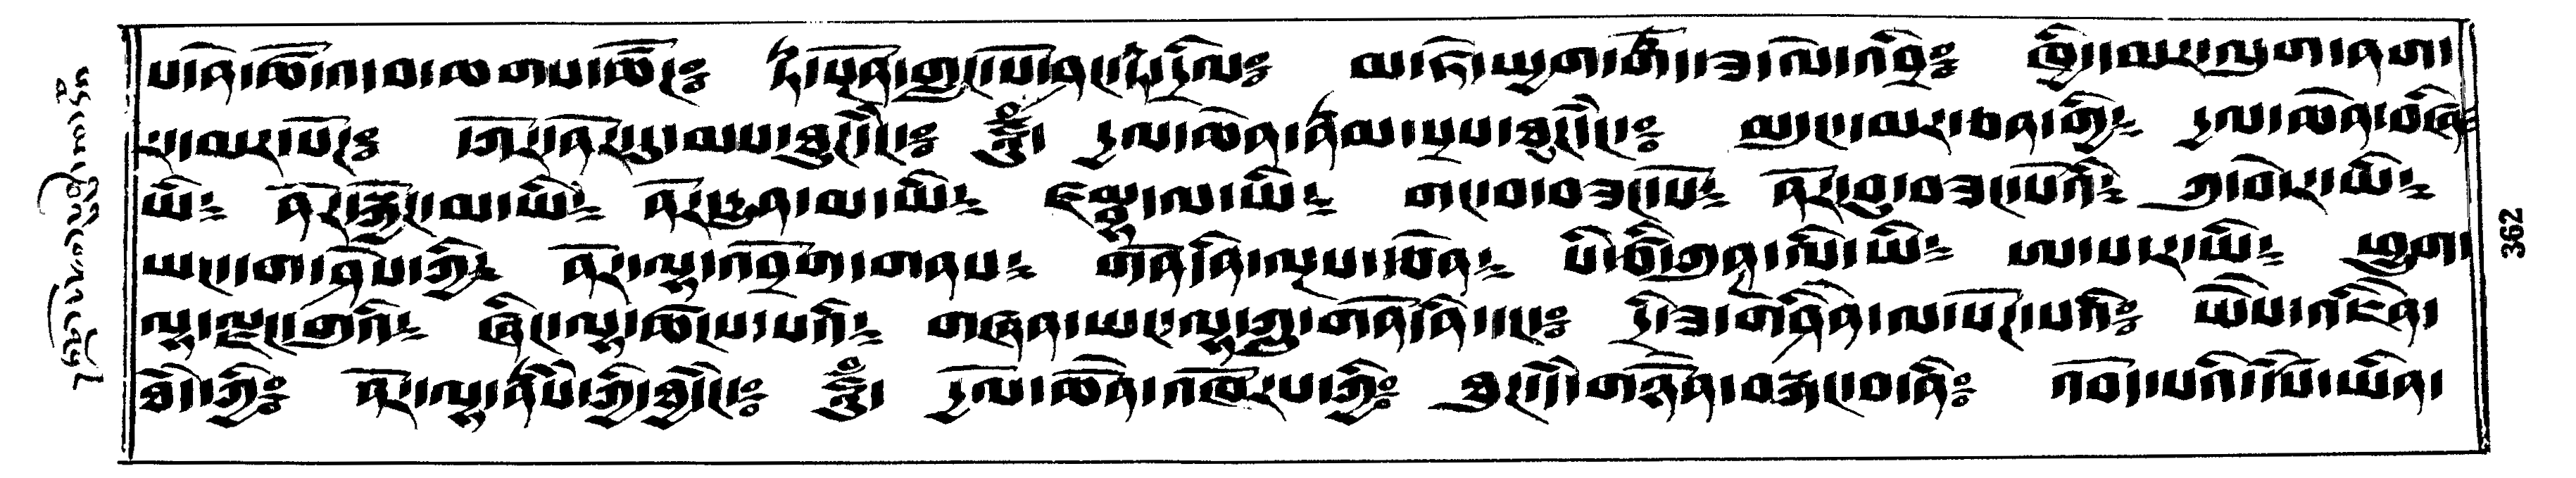པ་ནེ་ཙོ་འདབ་ཆགས་ཚོགས༔ རྟ་སྔོན་གླང་པོ་ཤང་རྟ་དྲེལ༔ མ་ཧེ་གཡག་རྒོད་ཟ་ལེ་འབྲི༔ ཁྱི་དམར་ལུག་ནག་
ར་དམར་སོགས༔ དཀོར་ནོར་དུ་མས་ཐུགས་དམ་བསྐང༔ ཧཱུྃ། རྒྱལ་ཆེན་རྣམ་སྲས་ཐུགས་དམ་བསྐང༔ མདུང་དམར་ཅན་གྱི༴ རྒྱལ་ཆེན་བཞི་
ཡི༴ ནོར་སྐྱོང་མ་ཡི༴ ནོར་རྒྱུན་མ་ཡི༴ ཛམྦྷ་ལ་ཡི༴ གང་བ་བཟང་པོའི༴ ནོར་བུ་བཟང་པོའི༴ ཀུ་བེ་ར་ཡི༴ 
ཡང་དག་ཤེས་ཀྱི༴ ནོར་ལྷ་འབྲོག་གནས༴ གནོད་སྦྱིན་ལྔས་རྩེན༴ པི་ཙི་ཀུནྜ་ལི་ཡི༴ ཨ་པ་ར་ཡི༴ ཕྱུགས་
ལྷ་ལྗང་གུའི༴ ཞིང་ལྷ་ཚངས་པའི༴ གཞན་ཡང་ལྷ་ཀླུ་གནོད་སྦྱིན་དང༔ དྲི་ཟ་གཤིན་རྗེ་ལ་སོགས་པའི༔ ཡེ་ཤེས་འཇིག་རྟེན་
ཐམས་ཅད་ཀྱི༔ ནོར་ལྷ་རྣམས་ཀྱི་ཐུགས་དམ་བསྐང༔ ཧཱུྃ། རྒྱལ་པོ་ཆེན་པོ་འཁོར་བཅས་ཀྱི༔ ཐུགས་དམ་གཉན་པོ་བསྐང་བ་ནི༔ འབོད་པའི་དམ་རྫས་ཡིན་